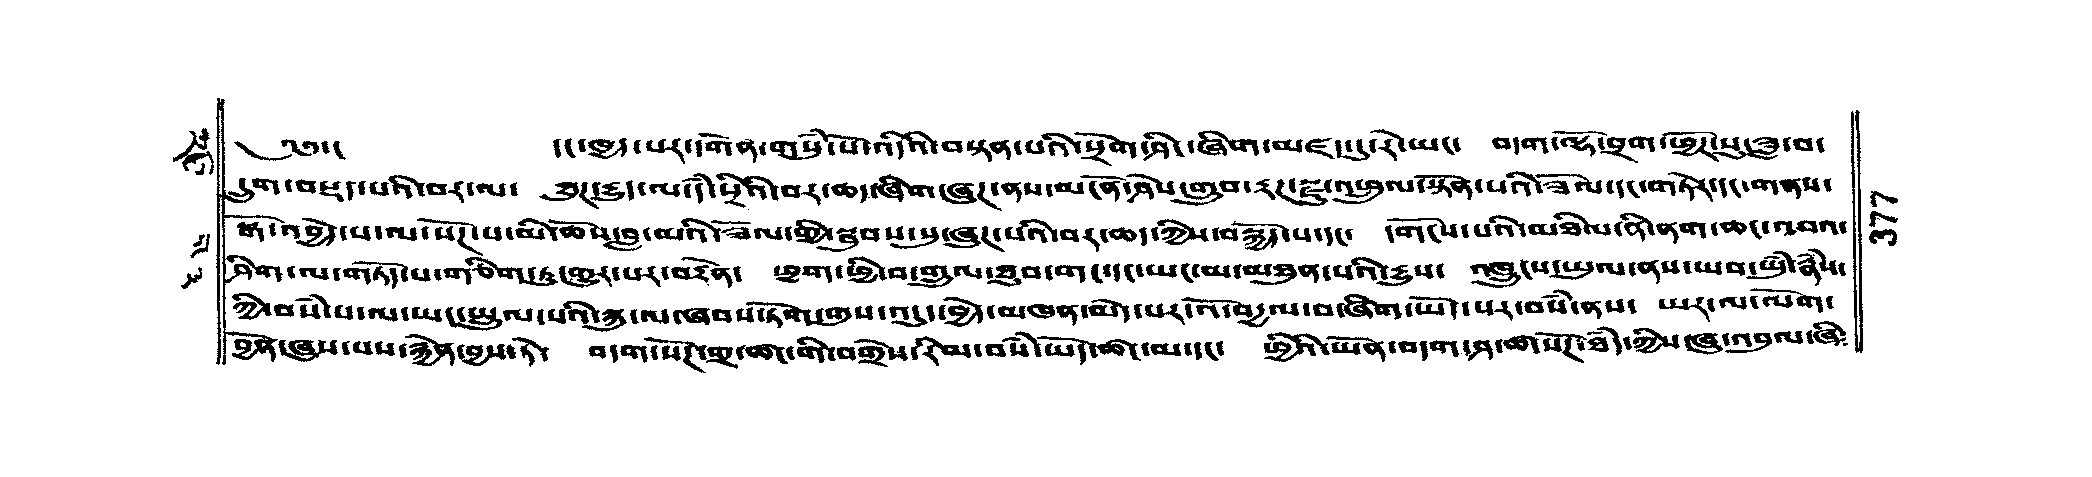དང་ཁྱད་པར་དགོན་གསུམ་པོ་འདིའི་བསྟན་པའི་སྲོག་ཤིང་ཞིག་མཛད་དུ་རེ་ཡང་། བདག་ལྷོ་བྲག་ཕྱོགས་སུ་ཟླ་བ་
དྲུག་བསྡད་པའི་བར་ལ། ཐུགས་རྒྱུད་ལ་དམ་སྲིའི་བར་ཆད་ཞིག་ཞུགས་ནས་མངོན་ཤེས་གྲུབ་རྟགས་རྫུ་འཕྲུལ་སྟོན་པའི་ཟོལ་དང་གཏེར་དང་གནས་
སྒོ་འབྱེད་པ་ལ་སོགས་པ་མི་ཆོས་བླ་མའི་ཟོལ་གྱི་སྦུབས་སུ་ཞུགས་པའི་བར་ཆད་ཀྱིས་བསྐྱོད་པ་དང་། དགོངས་པའི་མཐིལ་ནི་ནག་ཆང་འབའ་
ཤིག་ལ་གཏོད་པ་གཅིག་ཏུ་གྱུར་པར་བརྟེན། ཕྱག་ཕྱི་བ་གྲུལ་ཐུབ་གང་དང་ཡང་མ་མཐུན་པའི་རྒྱུས། འཁྲུངས་ཡུལ་ནས་ཡབ་ཡུམ་རྣམས་
ཀྱི་བསམ་པ་ལ་ཡང་སྤྲུལ་པའི་སྐུ་ལ་ཞབས་ཏོག་གུས་འདུད་བྱེད་མཁན་མེད་པར་འོ་བརྒྱལ་བ་ཞིག་ཡོད་པར་བསམ་ནས། ཡར་ལ་ལོག་
བྱོན་ཞུས་པ་ས་རྐྱེན་བྱས་ཏེ། བདག་སོགས་གྲྭ་ཚང་གི་བགྲེས་རིམ་བསམ་ཡོད་ཚང་མ་དང་། ཕྱིའི་ཡོན་བདག་ཤ་ཚ་ཅན་སོགས་ཐམས་ཅད་ཀྱི་ཞུ་འབུལ་ཞི་